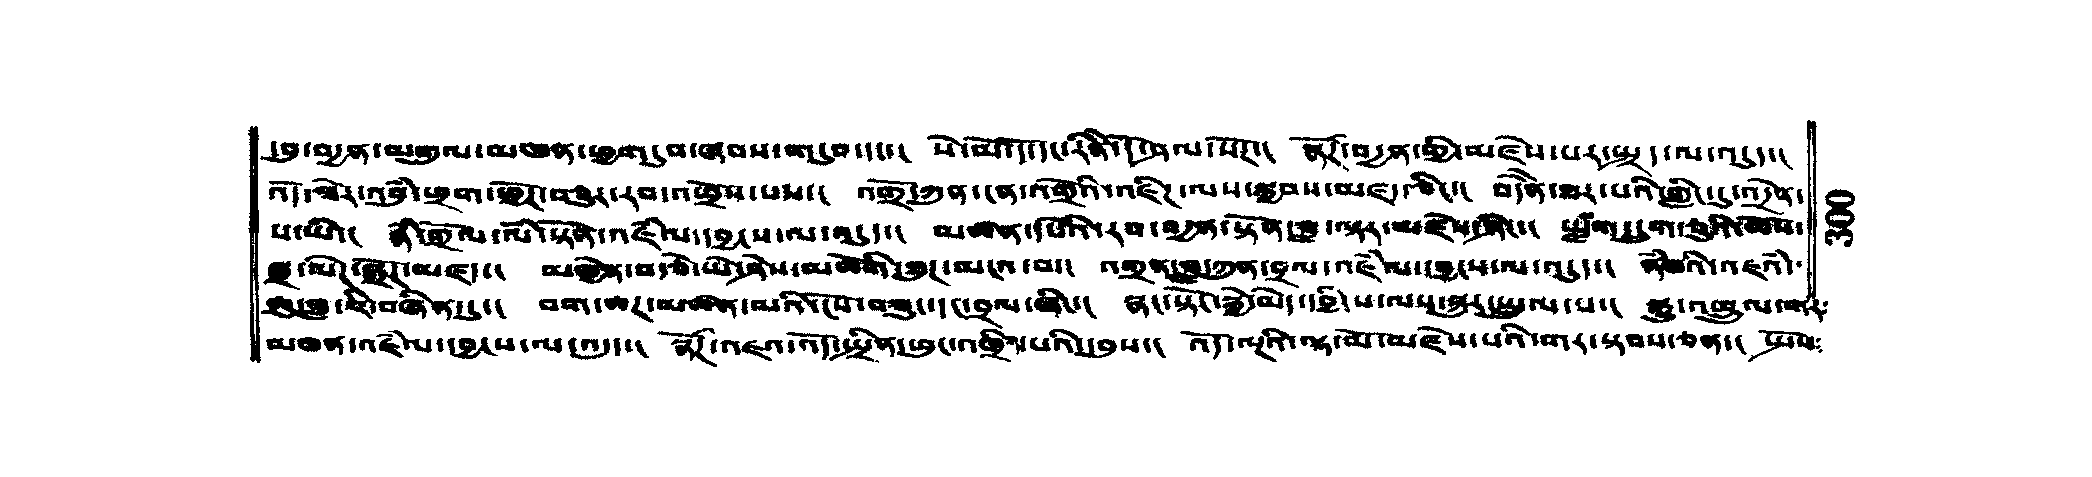།དབུ་རྒྱན་མགུལ་རྒྱན་ཕྱག་གདུབ་ཞབས་གདུབ་དང་། །སེ་མོ་དོ་དང་རིན་ཆེན་དོ་ཤལ་སོགས། །སྣ་ཚོགས་བརྒྱན་གྱི་མཛེས་པར་སྤྲས་པ་འདུད། །
འོད་ཟེར་འབུམ་ཕྲག་ཕྱོགས་བཅུར་རབ་འཕྲོས་པས། །འགྲོ་ཀུན་ངན་འགྲོའི་འཇིགས་ལས་སྐྱོབ་མཛད་ཅིང་། །བདེ་ཆེན་ཐར་པའི་གླིང་དུ་འདྲེན་
པ་ཡི། །རྣམ་གྲོལ་ལམ་སྟོན་འཇམ་དཔལ་དབྱངས་ལ་འདུད། །མཚན་དཔེས་རབ་བརྒྱན་སྟོན་ཟླ་ལྟར་མཛེས་ཤིང་། །ཡན་ལག་དྲུག་བཅུའི་ཆོས་
སྨྲ་ལེགས་སྒྲོགས་མཛད། །མཁྱེན་བརྩེ་ཡེ་ཤེས་མཆོག་གི་ཐུགས་མངའ་བ། །འགྲན་ཟླ་ཀུན་བྲལ་འཇམ་དཔལ་དབྱངས་ལ་འདུད། །ནམ་མཁའི་འཇའ་
འམ་ཆུ་ཟླ་ཇི་བཞིན་དུ། །བག་ཆགས་མཚན་མའི་ངོས་བཟུང་དང་བྲལ་ཞིང་། །སྣང་སྟོང་སྐྱེ་མེད་དབྱིངས་ལས་སྐུར་སྤྲུལ་པ། །སྒྱུ་འཕྲུལ་གར་
མཁན་འཇམ་དཔལ་དབྱངས་ལ་འདུད། །སྣ་ཚོགས་འཇའ་འོད་སྤྲིན་ཕུང་འཁྲིག་པའི་དབུས། འོད་ལྔའི་ལྷ་མོ་མཛེས་པའི་གར་སྟབས་ཅན། །སྤོས་